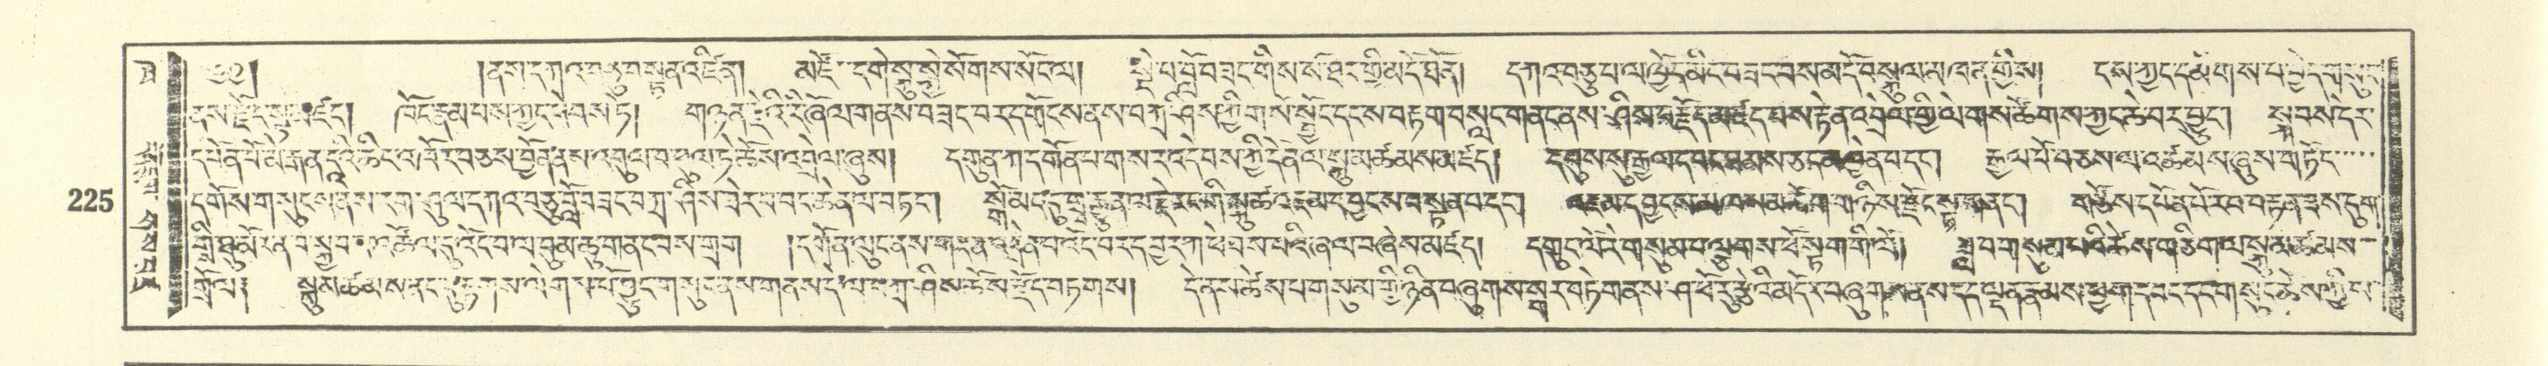༄༅། །ནས་དཀའ་བཅུ་བསྟན་འཛིན། མཛོད་དགེ་སྐུ་སྐྱེ་སོགས་སོང་ལ། སྡེ་བ་བློ་བཟང་གིས་སོ་ཐར་གྱི་མདོ་ཐོན། དཀའ་བཅུ་པ་ལ་ཁྱོད་མིང་བཟང་བས་མདོ་བསྐུལ་མཁན་གྱིས། ངས་ཀྱང་དམིགས་པ་བྱེད་གསུང་
ནས་རྫོང་སྟ་མཛད། ཁོང་རྣམ་པས་ཀྱང་ཕེབས་ཏེ། གཉན་རྗེའི་རི་ཞོལ་གནས་བཟང་བར་དགོངས་ནས་བཀྲ་ཤིས་ཀྱི་གསོ་སྦྱོང་དང་ས་བརྟག་བསླང་གནང་ནས་ཤིས་བརྗོད་མཛད་པས་རྟེན་འབྲེལ་གྱི་ལེགས་ཚོགས་ཀྱང་ཆེ་བར་བྱུང་། སྐབས་དེར་
དཔོན་པོ་མེ་རྒན་དཱའི་ཆིང་འཁོར་བཅས་བྱོན་ནས་འབུལ་བ་ཕུལ་ཏེ་ཆོས་འབྲེལ་ཞུས། དགུན་ཀ་དགོན་པ་གསར་འདེབས་ཀྱི་དོན་ལ་སྐུ་མཚམས་མཛད། དབུས་སུ་རྒྱལ་དབང་ཐམས་ཅད་མཁྱེན་པ་དང་། རྒྱལ་པོ་བཅས་ལ་འཚམས་ཞུས་གཏོང་
དགོས་གསུངས་ནས་རག་ཤུལ་དཀའ་བཅུ་བློ་བཟང་བཀྲ་ཤིས་ཟེར་བ་བང་ཆེན་ལ་བཏང་། སྒོ་མང་དུ་གྲྭ་རྒྱུན་ལ་རྗེ་རང་གི་སྐུ་ཚ་འཇམ་དབྱངས་བསྟན་པ་དང་། འཇམ་དབྱངས་མཁས་མཆོག་གཉིས་རྫོང་སྟ་གནང་། གཙོས་དཔོན་པོ་རབ་བརྟན་ཟས་དུག་
གིས་ཐུ་མོར་ན་བ་སྐྱབས་འཚོལ་དུ་འོང་བ་ལ་བུམ་ཆུ་གནང་བས་གྲག །དགོན་ལུང་ནས་གདན་འདྲེན་པ་འོང་བར་དབྱར་ཀ་ཕེབས་པའི་ཞལ་བཞེས་མཛད། དགུང་ལོ་རེ་གསུམ་པ་ལྕགས་ཕོ་སྟག་གི་ལོ། ཟླ་བ་གསུམ་པའི་ཚེས་གཅིག་ལ་སྐུ་མཚམས་
གྲོལ། སྐུ་མཚམས་ནང་དུ་རྟགས་ལེགས་པོ་བྱུང་གསུང་ནས་གནས་དེ་ལ་བཀྲ་ཤིས་ཆོས་རྫོང་བཏགས། དེ་ནས་ཚེས་པ་གསུམ་གྱི་ཉིན་བཞུགས་སྒར་བཏེག་ནས་ཤ་ཕོ་རུ་རྩེའི་མདོར་བཞུགས་ནས་དད་ལྡན་རྣམས་ཕྱག་དབང་དང་གསུང་ཆོས་ཀྱིས་